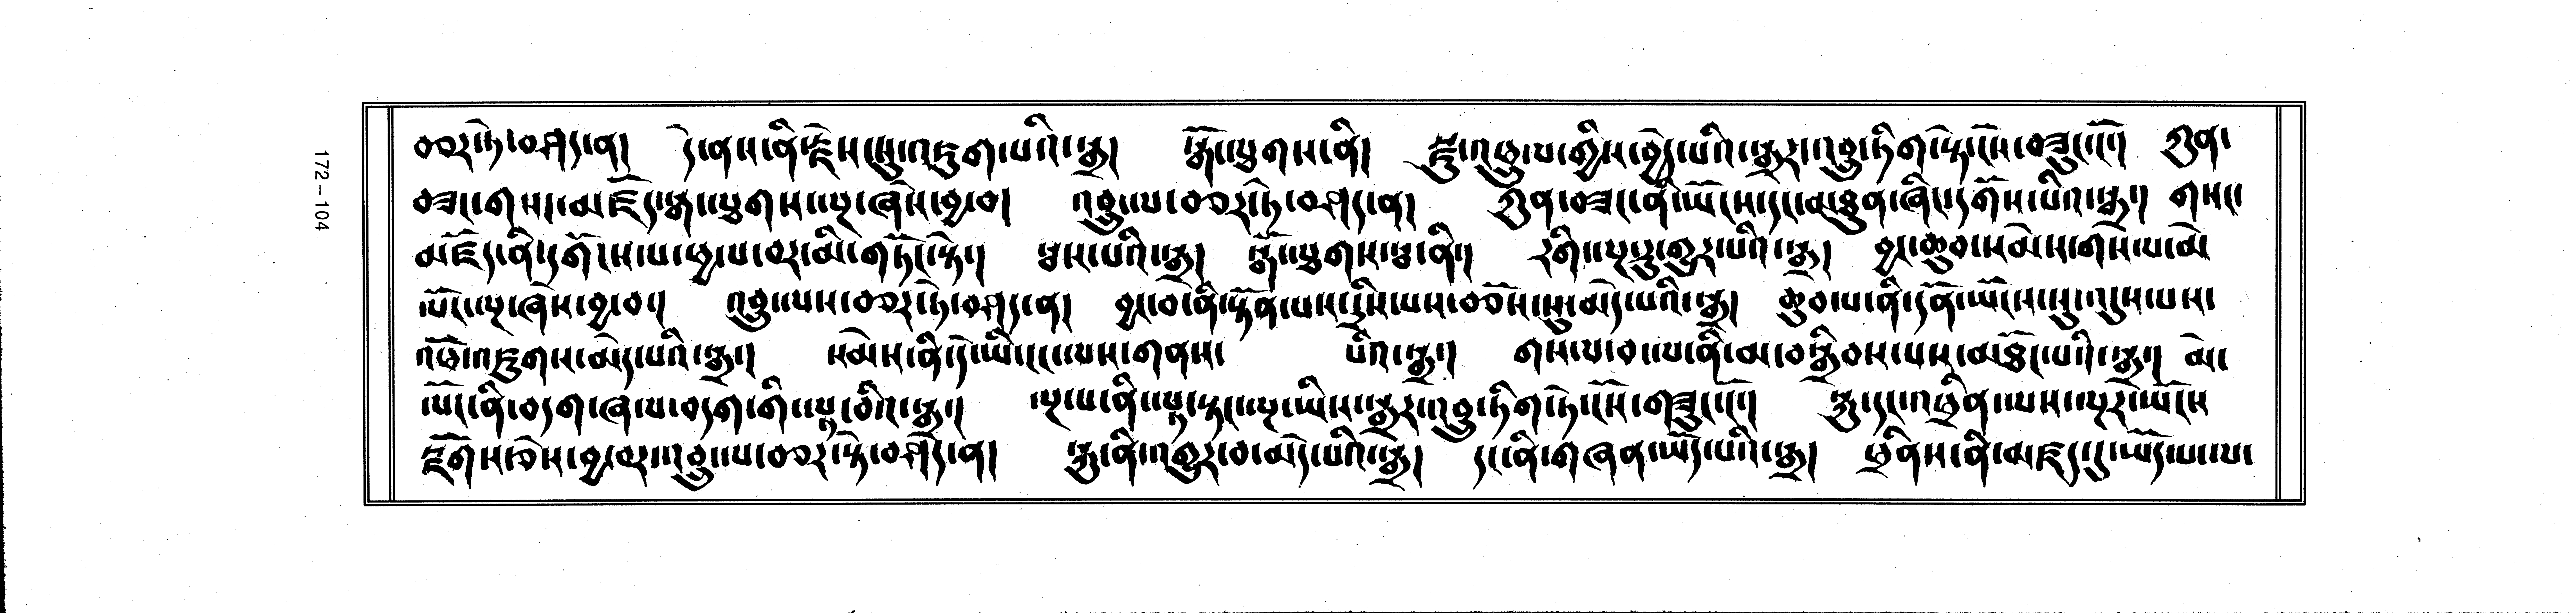བཅར་ཏེ་བཤད་ན། དེ་ནས་ནི་རྗེས་སུ་འཇུག་པའི་སྒྲ། སྒོ་ལྕགས་ནི། རྫུ་འཕྲུལ་གྱིས་བྱེད་པའི་སྒྲར་འབྲུ་ཏིག་སྟེ་ངོས་བཟུང་ངོ་། ཀུན་
བཟང་གསང་མཛོད་སྒོ་ལྕགས་ལྔ་ཞེས་བྱ་བ། འབྲུ་ལ་བཅར་ཏེ་བཤད་ན། ཀུན་བཟང་ནི་ཡོངས་དང་མཐུན་ཞིང་དགོས་པའི་སྒྲ། གསང་
མཛོད་ནི་དགོངས་པ་ཕྱལ་བར་མི་གཏོང་སྟེ། སྦས་པའི་སྒྲ། སྒོ་ལྕགས་སྦ་ནི། རིག་ལྔ་རུ་གྱུར་པའི་སྒྲ། བྱང་ཆུབ་སེམས་གསལ་མེ་
ལོང་ལྔ་ཞེས་བྱ་བ། འབྲུ་ལས་བཅར་ཏེ་བཤད་ན། བྱང་བ་ནི་སྟོན་པས་དྲིས་པས་བཅོས་སུ་མེད་པའི་སྒྲ། ཆུབ་པ་ནི་དོན་ཡོངས་སུ་འདུས་པས་
འཕོ་འཇུགས་མེད་པའི་སྒྲ། སེམས་ནི་དེ་ཡི་ངང་ལས་གནས་པའི་སྒྲ། གསལ་བ་ལ་ནི་མ་བསྒྲིབས་པས་མཐོང་པའི་སྒྲ། མེ་
ལོང་ནི་བདག་ཞལ་བདག་གི་ལྟ་བའི་སྒྲ། ལྔ་པ་ནི་ལྟ་སྟང་ལྔ་ཡིས་སྒྲར་འབྲུ་ཏིག་ཏེ་ངོས་གཟུང་ངོ་། སྐུ་དང་འཕྲིན་ལས་ལྔར་ཡོངས་
རྫོགས་ཅེས་བྱ་བར་འབྲུ་ལ་བཅར་སྟེ་བཤེས་ན། སྐུ་ནི་འགྱུར་བ་མེད་པའི་སྒྲ། དང་ནི་གཞན་ཡོད་པའི་སྒྲ། ཕྲིན་ལས་ནི་མཛད་དུ་ཡོད་པ་ལ་